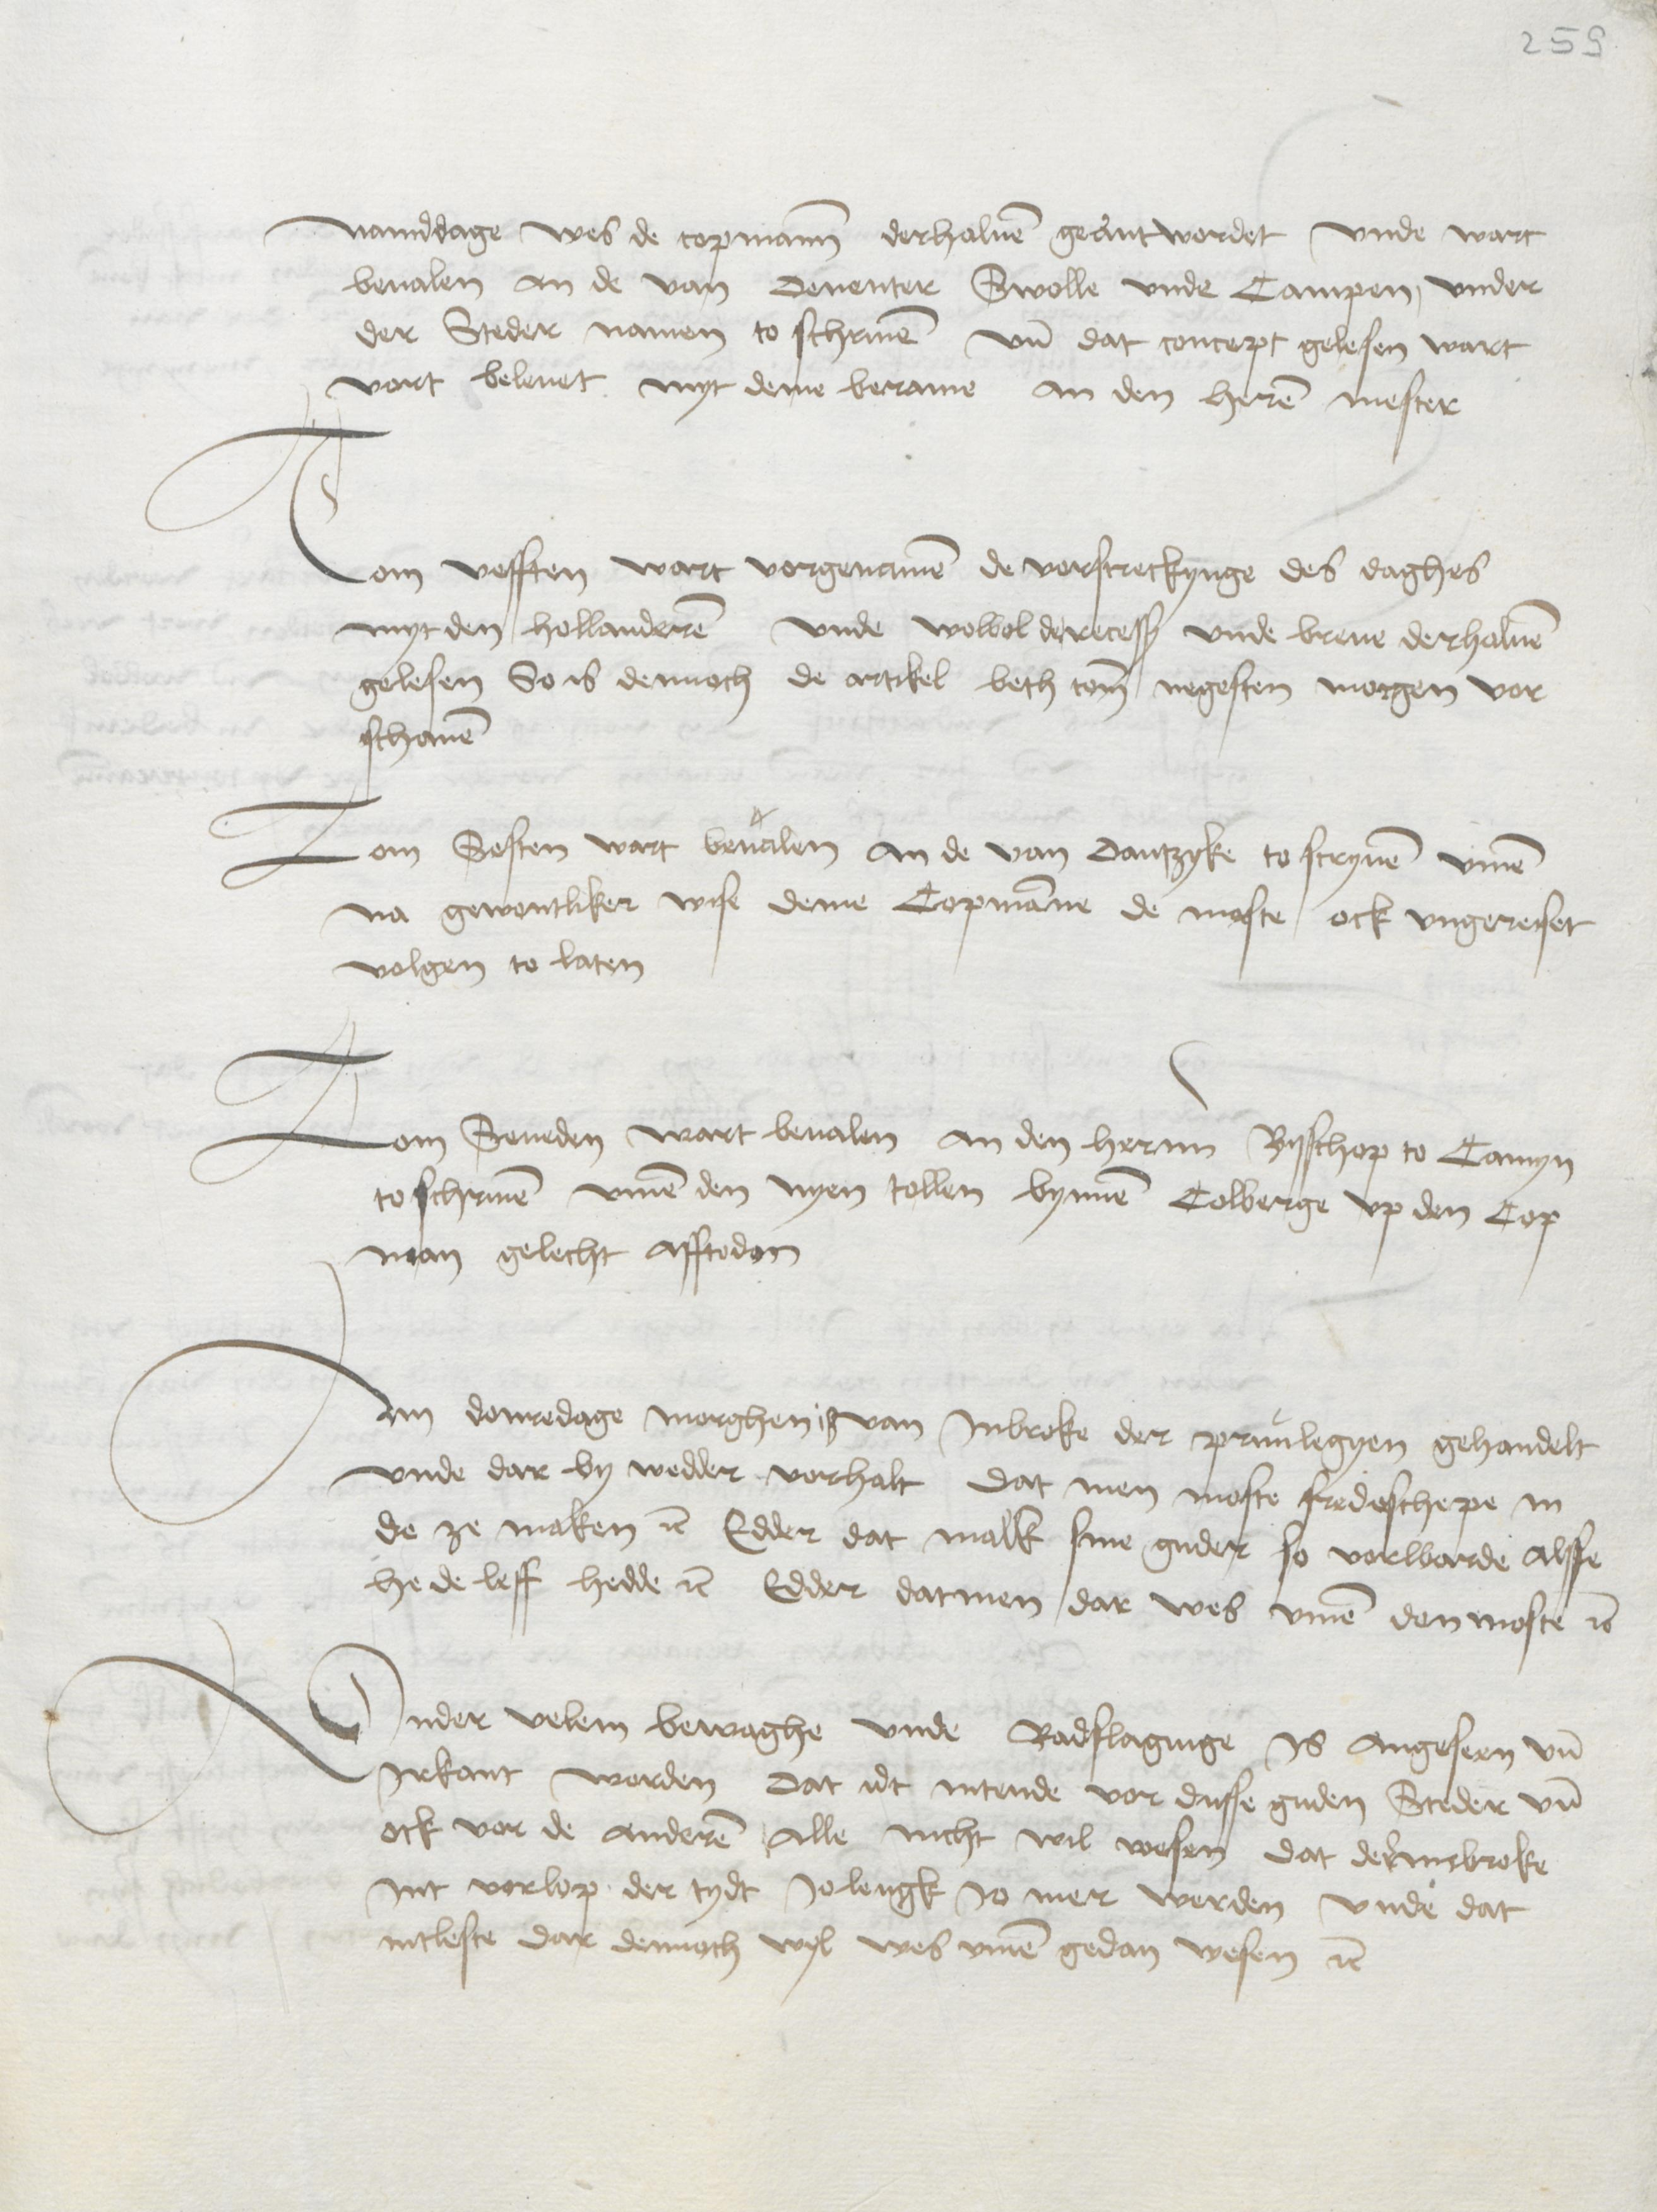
namddage wes de copmanne derhaluen geantwordet vnde wart
beualen An de van Deuenter Swolle vnde Campen, vnder
der Steder namen to schriuen vnd dat concept gelesen wart
vort beleuet myt deme berame An den heren mester
Tom vefften wart vorgenamen de vorstreckynge des daghes
myt den Hollanderen vnde wowol de recesß vnde breue derhaluen
gelesen So is dennoch de artikel beth tome negesten morgen vor¬
schauen
Tom Sesten wart beualen An de van Dantzyke to scryuen vmme
na gewontliker wise deme Copmanne de maste ock vngereiset
volgen to laten
Tom Seueden wart beualen An den hernn Byschop to Camyn
to schriuen vmme den nyen tollen bynnen Colberge vp den Cop¬
man gelecht afftodon
Am donredage morghen iß van Jnbroke der priuilegyen gehandelt
vnde dar by wedder vorhalt dat men moste fredeschepe in
de ze maken etc Edder dat malk sine guder so vorwarde Alsse
he de leff hedde etc Edder datmen dar wes vmme don moste etc
Vnder velem bewaghe vnde Radslaginge Is Angeseen vnd
Jrkant worden dat idt intende vor dusse guden Steder vnd
ock vor de anderen Alle nicht wil wesen dat der imbroke
Jnt vorlop der tydt Jo lengk Jo mer werden vnde dat
intleste dar dennoch wyl wes vmme gedan wesen etc
